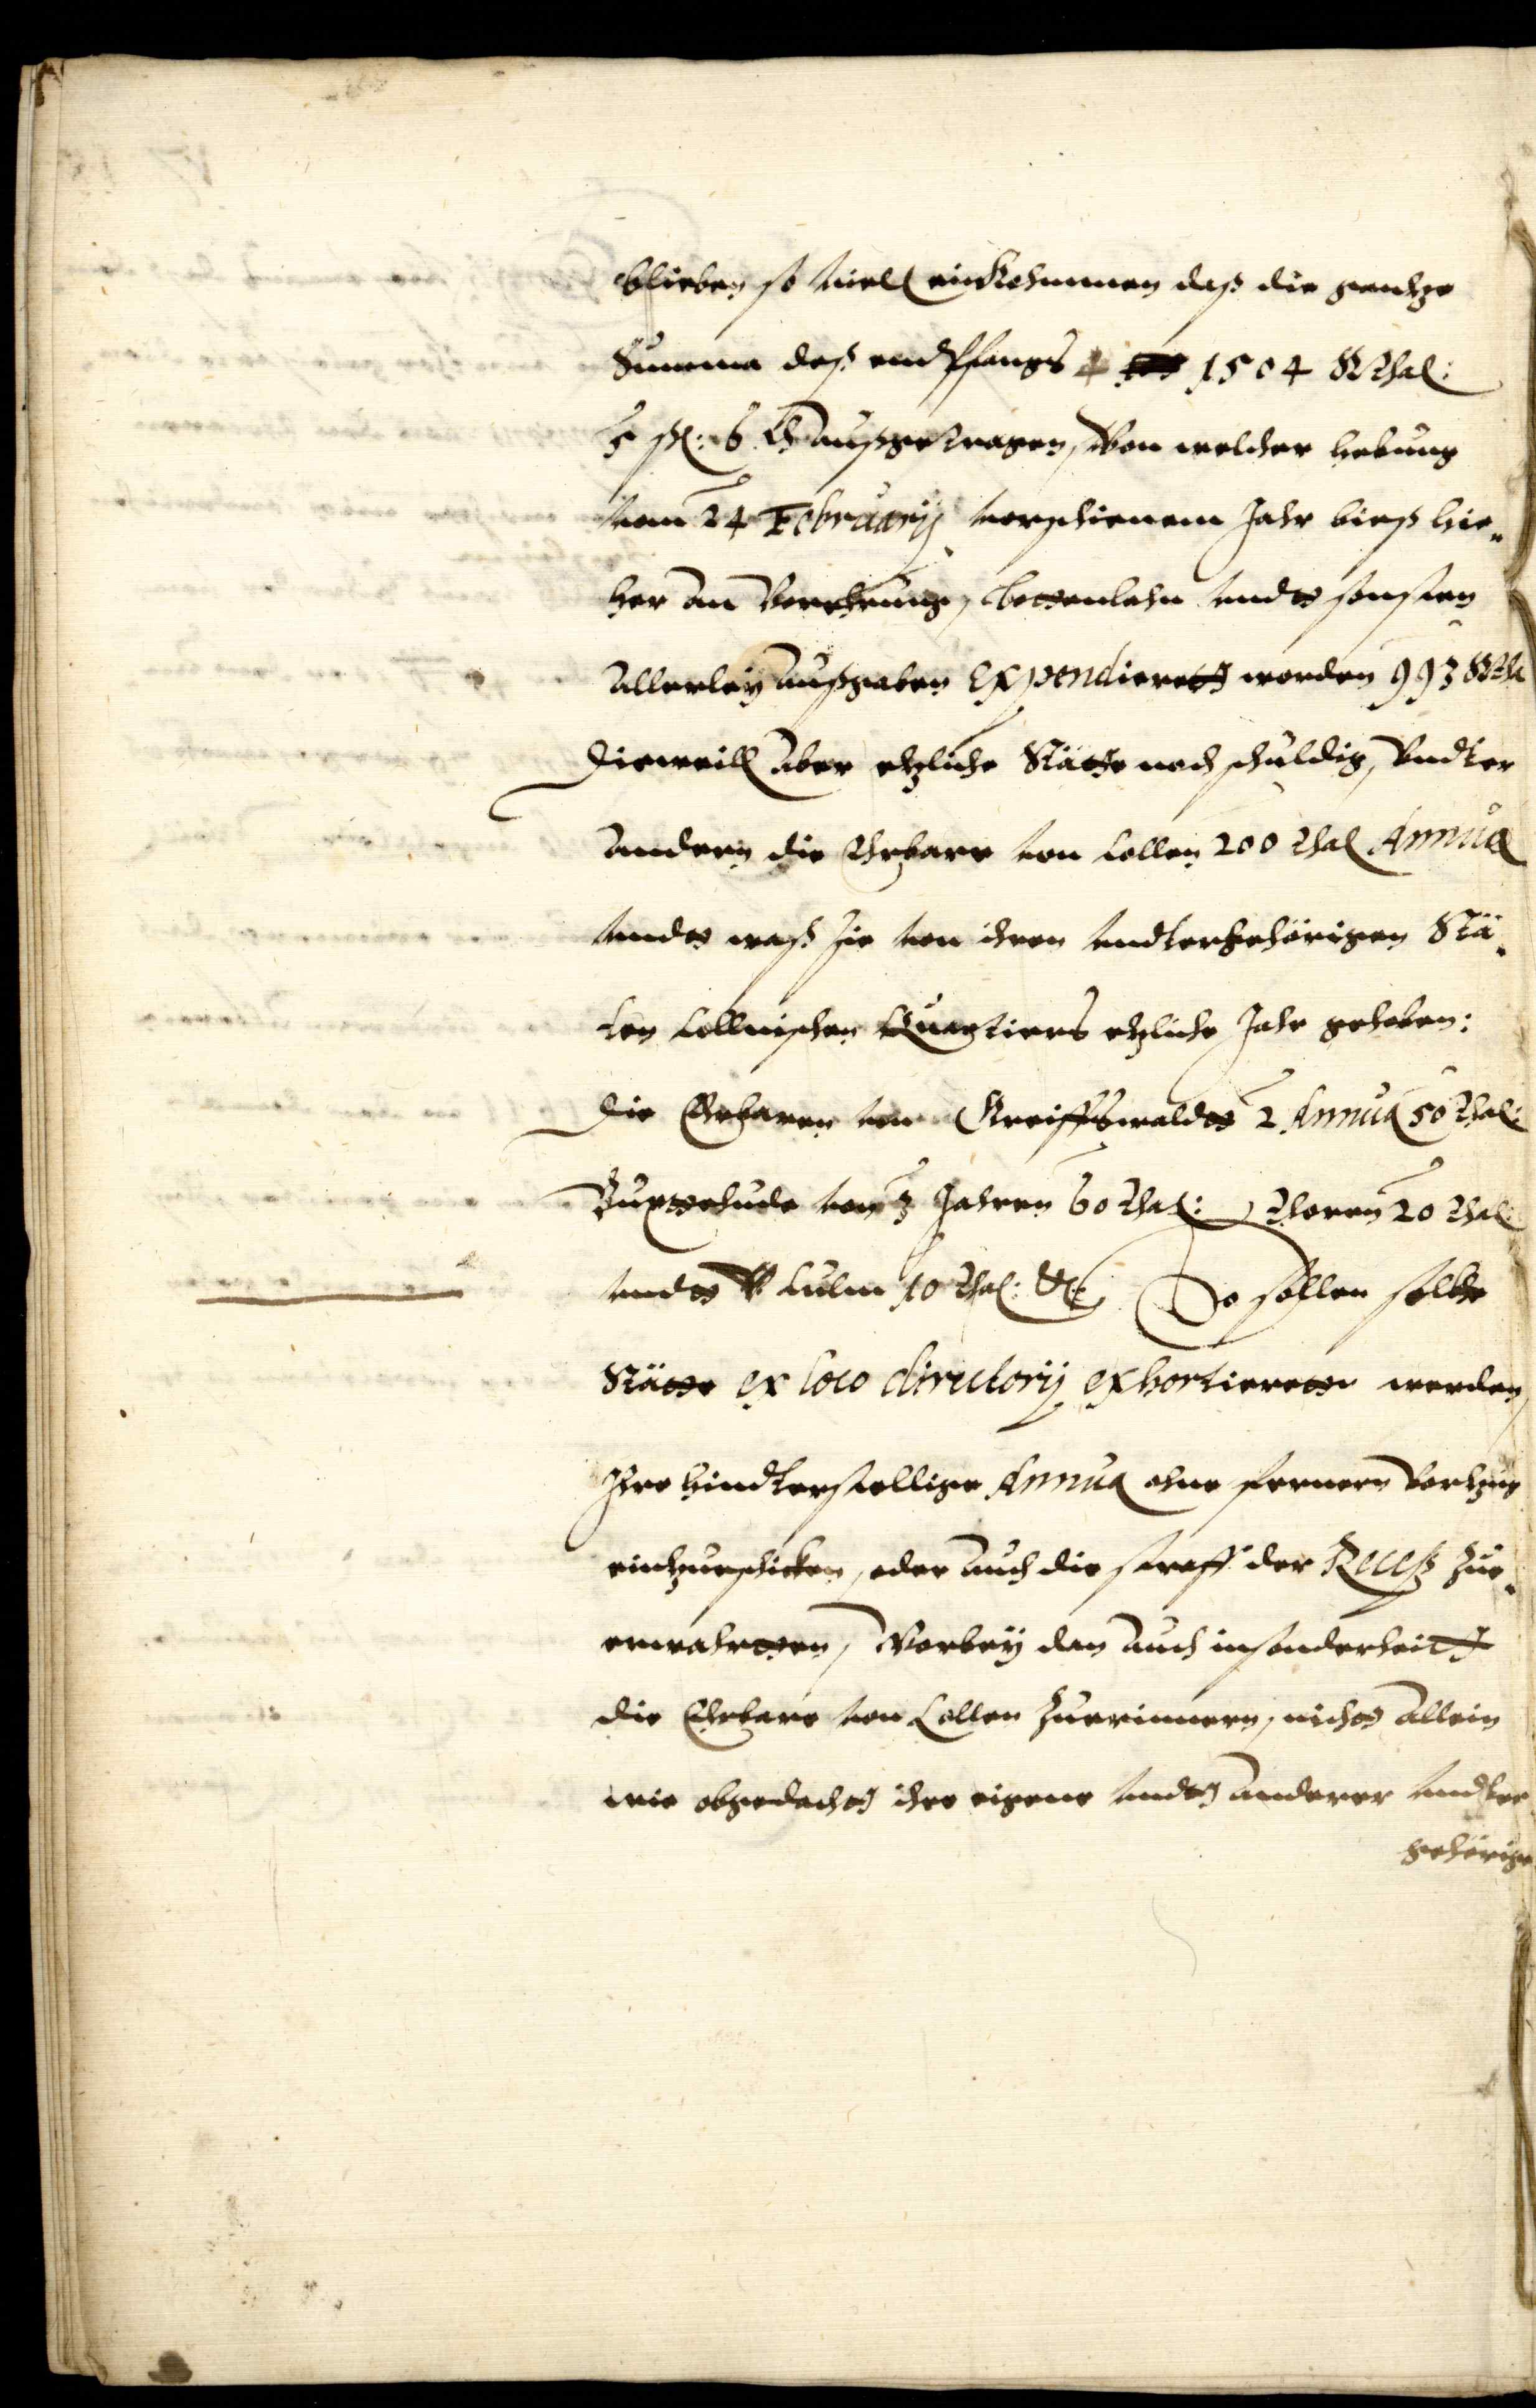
blieben so viell einkohmmen daß die gantze
Summa deß empfangs 4 105 1504 Rthal:
5 ßl: 6 d Außgetragen, Von welcher hebung
vom 24 Februarij vorschienem Jahr bieß hie¬
her an Vorehrung, bottenlohn vndtt sonsten
Allerleij Außgaben expendierett worden 993 Rthl
dieweill Aber etzliche Stätte noch schuldig, Vndter
Andern die Ehrbare von Collen 200 Thal Annua
vndtt waß sie von ihren vndtergehörigen Stä¬
ten Collnischen Quartiers etzliche Jahr gehoben:
die Ehrbaren von Greiffswaldtt 2 Annua 50 thal:
Buxttehude von 3 Jahren 60 thal: Thoren 20 thal:
vndt Vl Culm 10 thal: &c So sollen solche
Stätte ex loco directorij exhortierett werden,
Ihre hindterstellige Annua ohne fernern Vortzug
eintzuschicken, oder auch die straff der Recess zue¬
erwahrtten, Worbeij dan Auch in sonderheitt
die Ehrbare von Collen zuerinnern, nichtt Allein
wie obgedachtt ihre eigene vndtt Anderer vndter
gehörige
